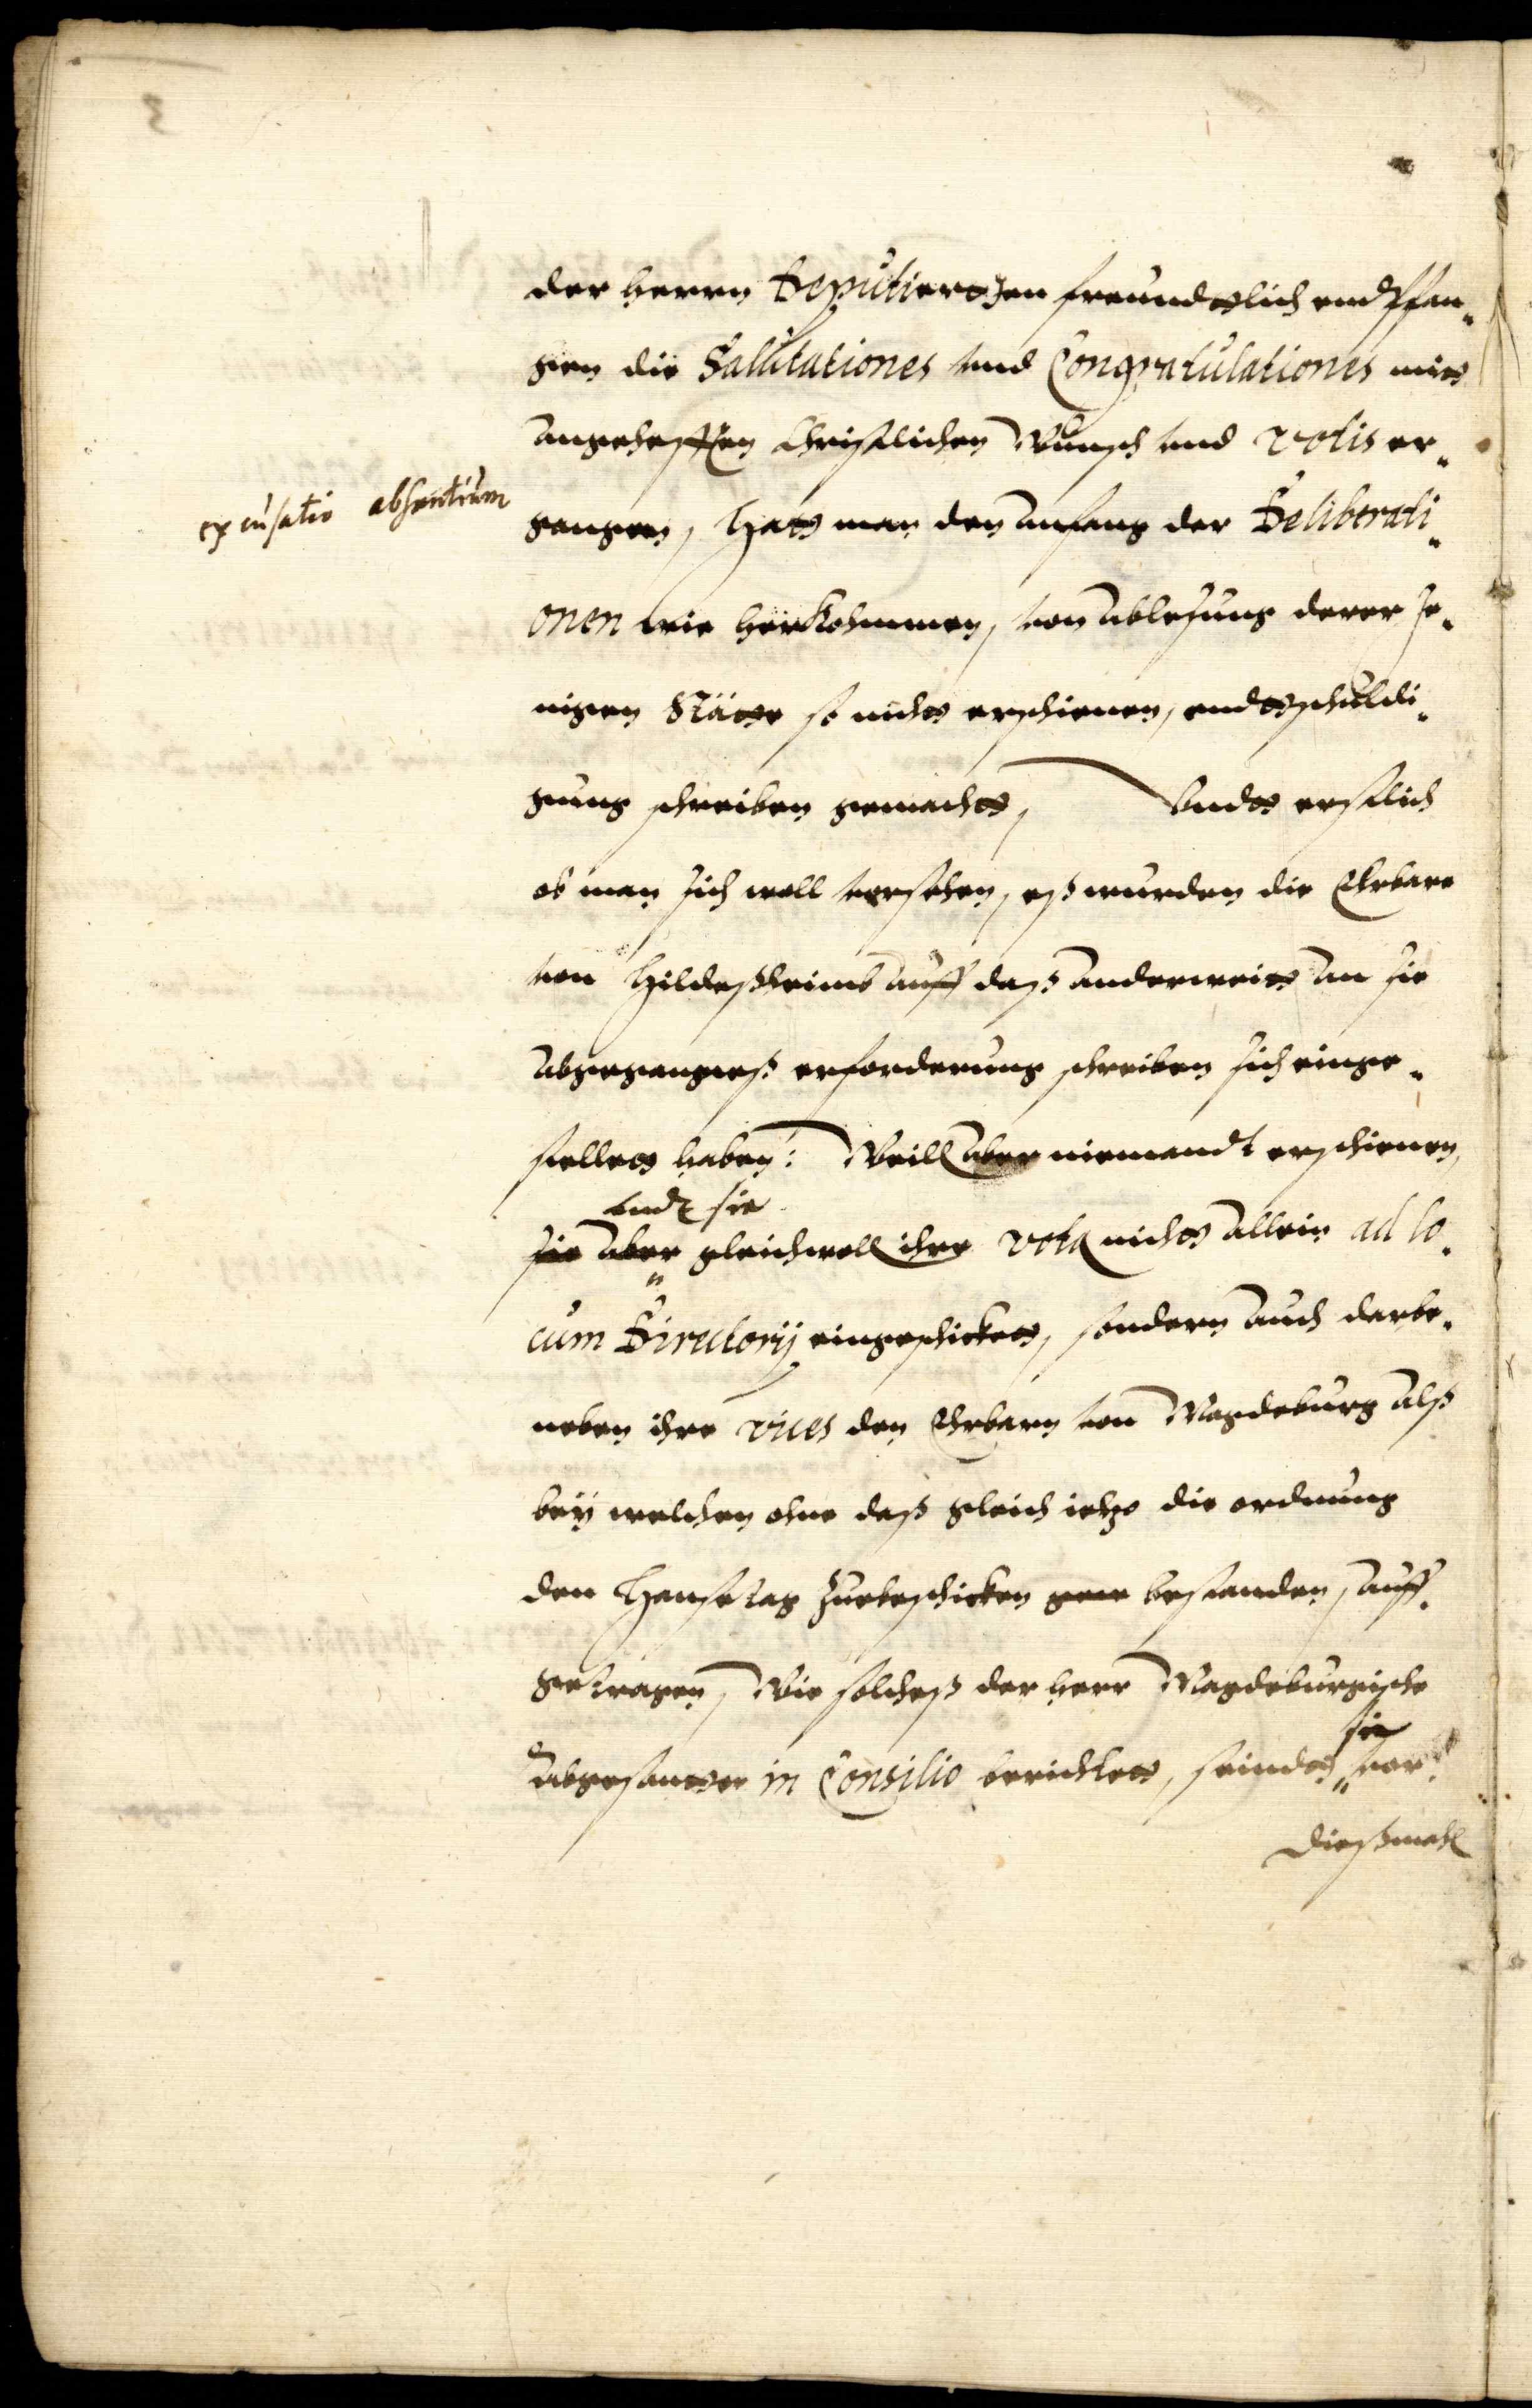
excusatio absentium
der Herrn Deputiertten freundttlich endpfan¬
gen die Salutationes vnd Congratulationes mitt
angehefften Christlichen Wunsch vnd votis er¬
gangen, Hatt man den anfang der Deliberati¬
onen wie Herkommen, von Ablesung derer Je¬
nigen Stätte so nichtt erschienen, endttschuldi¬
gung schreiben gemachtt, Vndtt erstlich
ob man sich woll versehen, eß wurden die Ehrbarn
von Hildeßheimb Auff daß Anderweitt An sie
Abgegangneß erforderung schreiben sich einge¬
stellett haben: Weill Aber niemandt erschienen,
vndt sie
sie aber gleichwoll ihre vota nichtt Allein ad lo¬
cum Directorij eingeschickett, sondern Auch darbe¬
neben ihre vices den Ehrbarn von Magdeburg Alß
beij welchen ohne daß gleich ietzo die ordnung
den Hansetag zuebeschicken gew bestanden, Auff¬
getragen, Wie solcheß der Herr Magdeburgische
Abgesantter in Consilio berichtett, seindtt sie vor:
dießmahl
